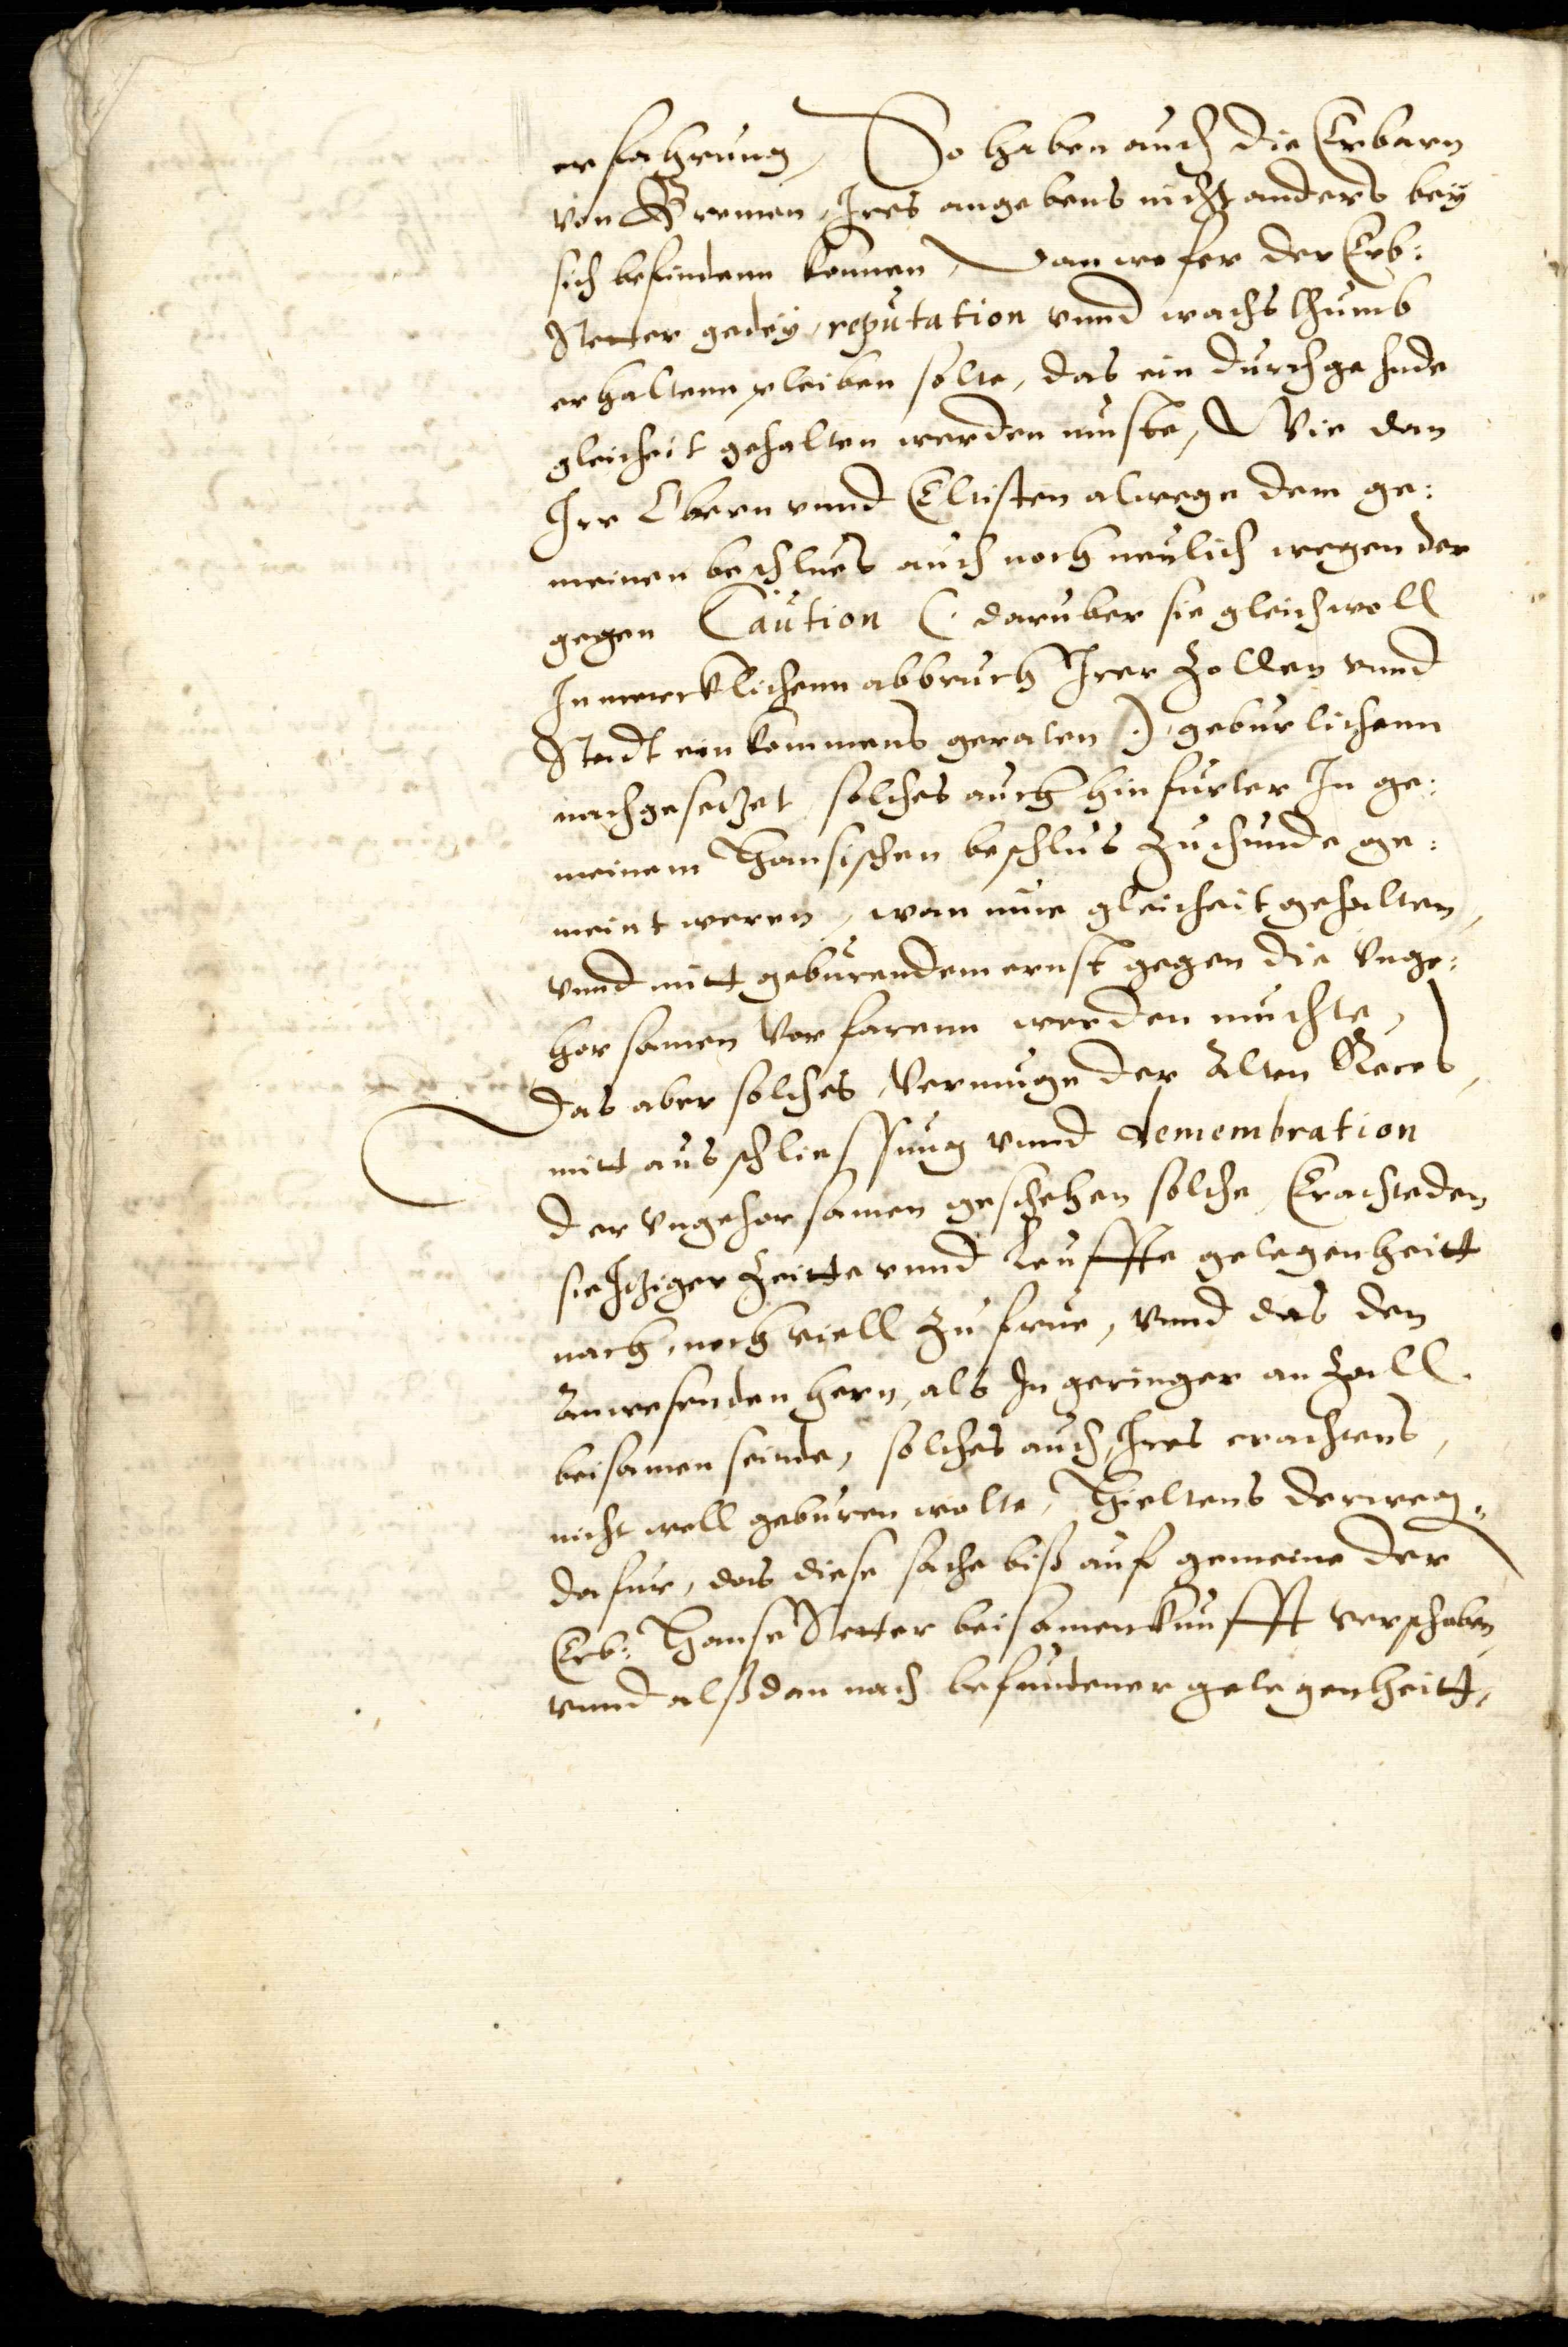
erfahrung, So haben auch die Erbarn
von Bremen, Jres angebens nicht anders beij
sich befindenn konnen, dan wofer der Erb:
Stetter gedeij, reputation vnnd wachs thumb
erhaltenn pleiben solte, das ein durchgehende
gleicheit gehalten werden muste, Wie dan
Jre Obern vnnd Eltisten alwege dem ge¬
meinen beschlues auch noch neulich wegen der
gegen Caution (. daruber sie gleichwoll
Jn mercklichenn abbruch Jrer Zollen vnnd
Stadt einkommens geraten .), geburlichenn
nachgesetzet solches auch hinfurter Jn ge¬
meinem Hansischen beschlus zuthunde ge¬
meint weren, wan nun gleicheit gehalten,
vnnd mitt geburendem ernst gegen die vnge¬
horsamen vorfarenn werden muchte,
das aber solches, vermuge der alten Reces,
mitt ausschliessung vnnd demembration
der vngehorsamen geschehen solthe, Erachteden
sie Jtziger Zeittn vnnd Leuffte gelegenheitt
nach, noch viell zu frue, vnnd das den
anwesenden hern, als Jn geringer anzall
beisamen seinde, solches auch, Jres erachtens,
nicht woll geburen wolte, hieltens derwegen
dafur, das diese sache biß auf gemeine der
Erb: Hanse Stetter beisamenkunfft verschoben,
vnnd alßdan nach befundener gelegenheitt,
